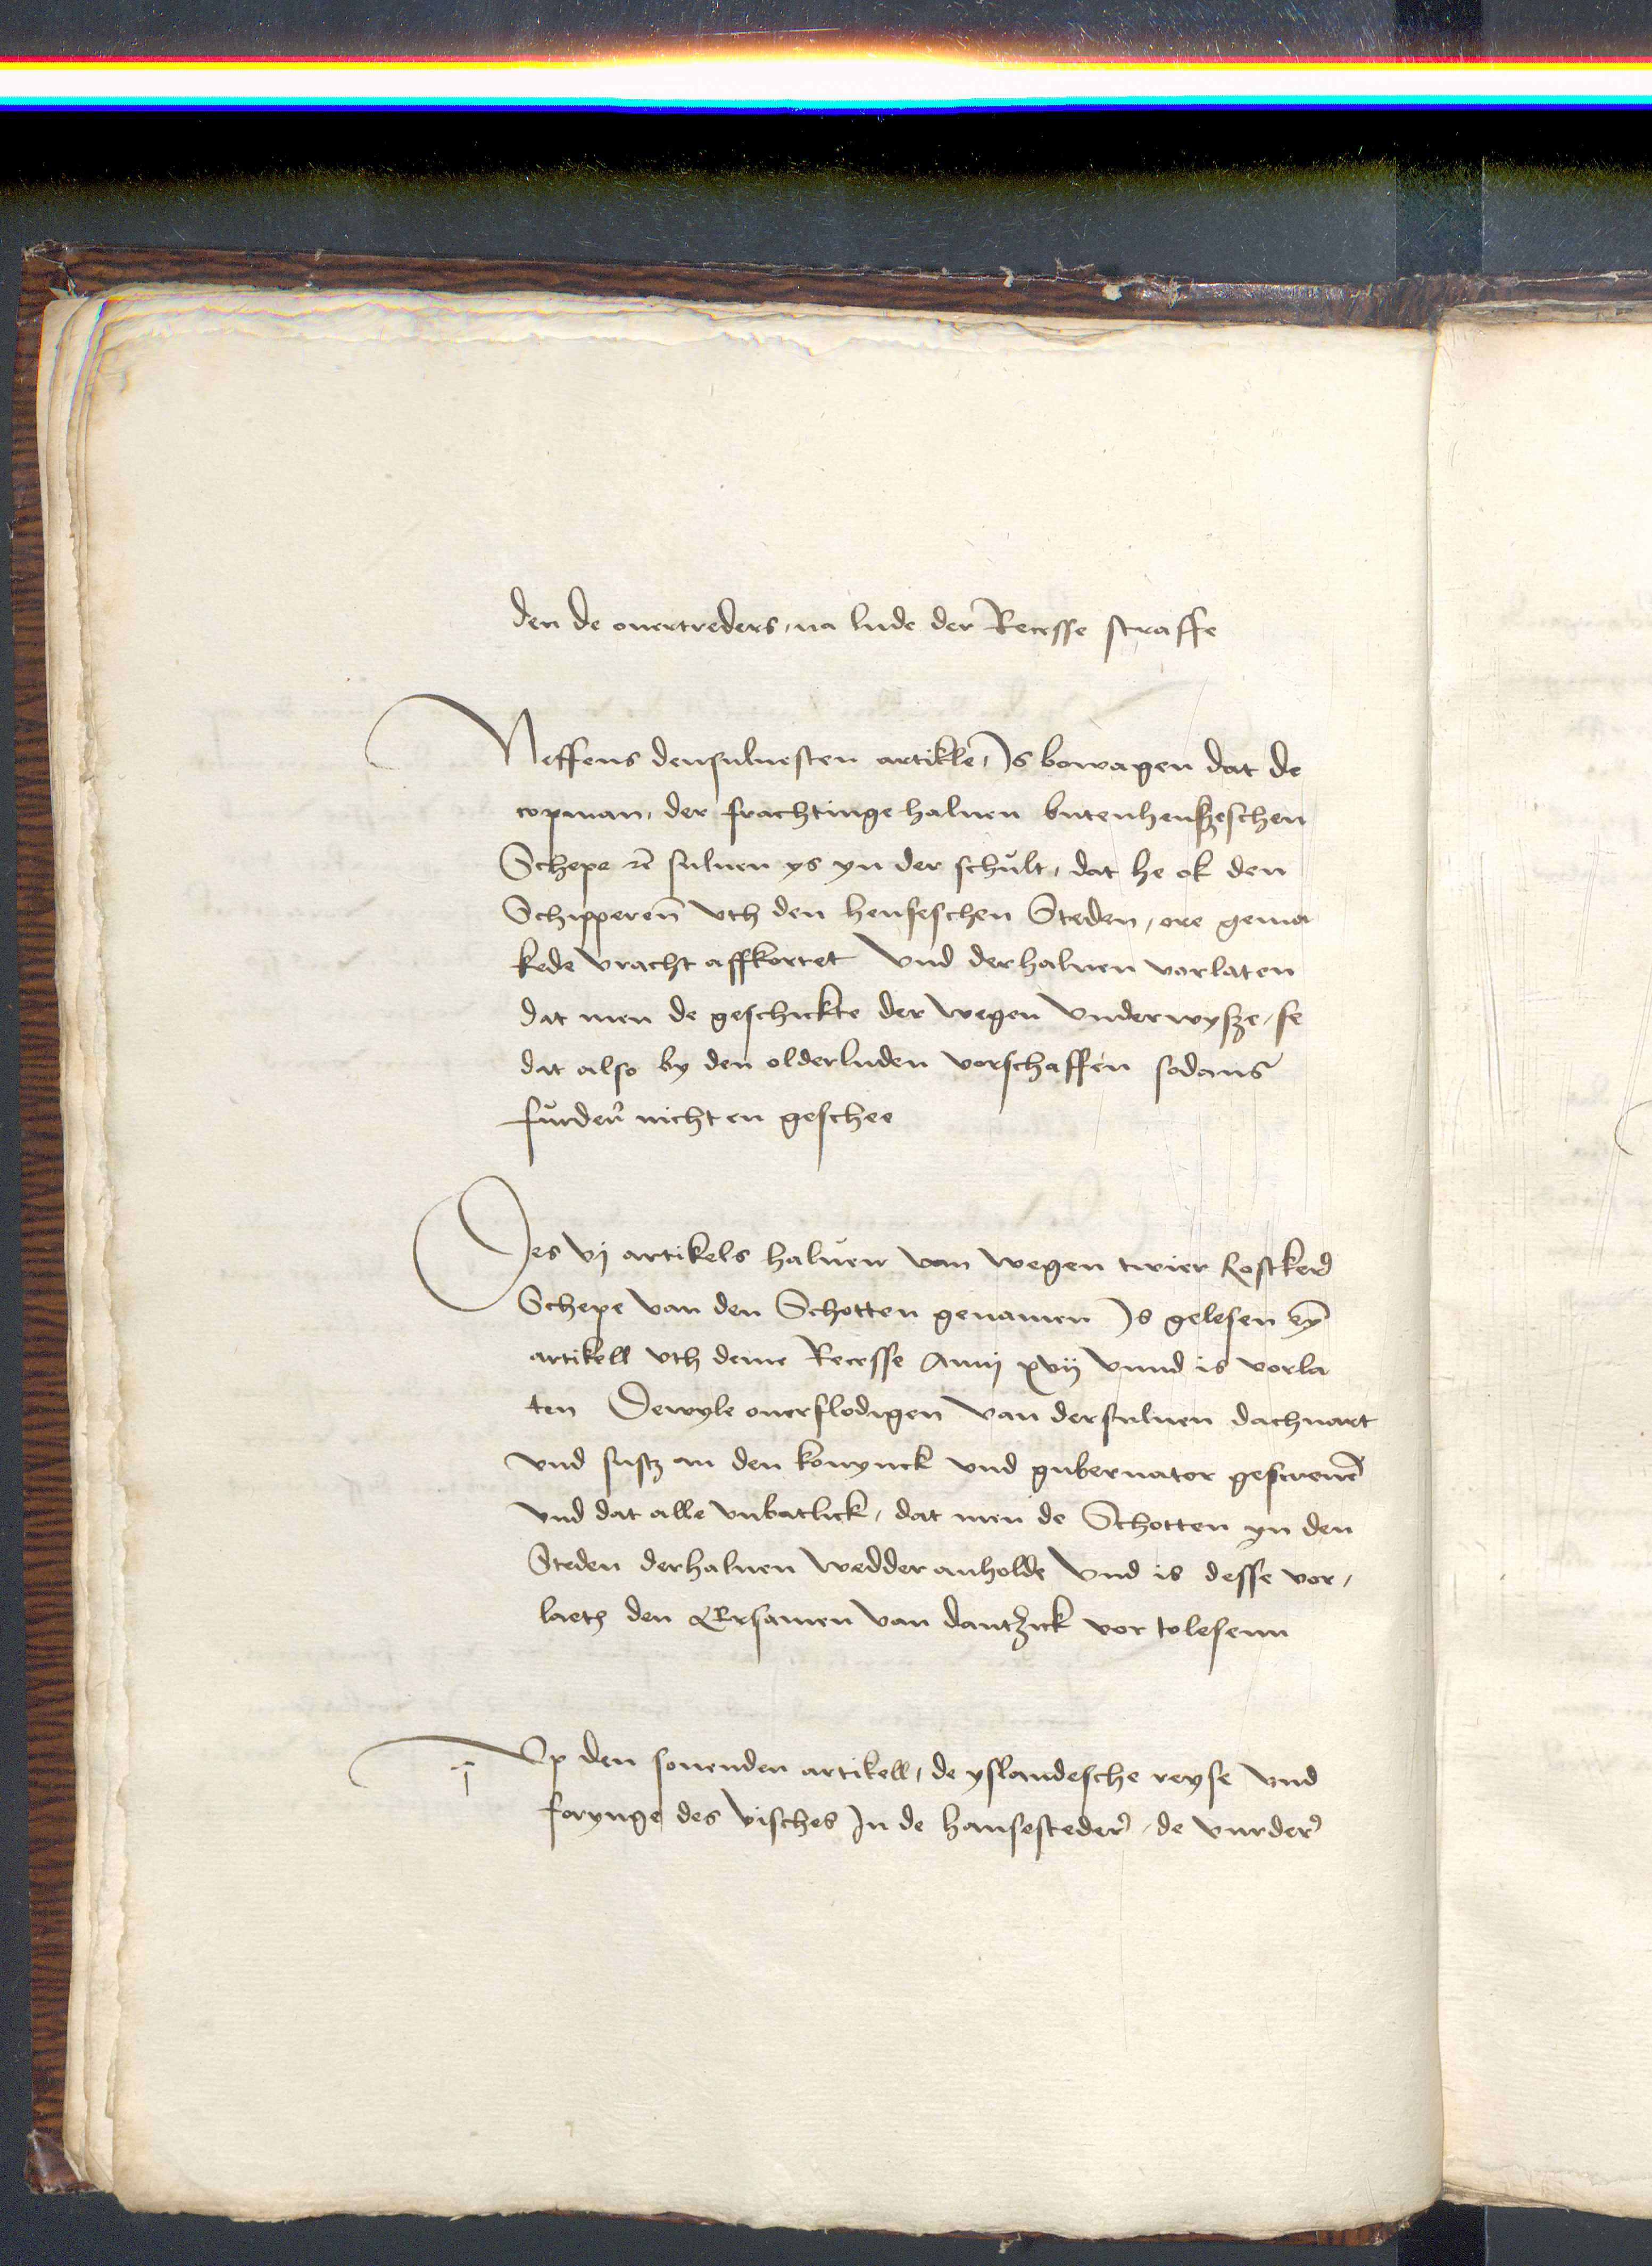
den de ouertreders, na lude der Recesse straffe
Neffens densuluesten artikle, Is bowagen dat de
copman, der frachtinge haluen butenhenseschen
Schepe etc suluen ys yn der schult, dat he ok den
Schipperenn vth den henseschen Steden, one gema¬
kede vracht affkortet vnd derhaluen vorlaten
dat men den geschickte der wegen vnderwysze, se
dat also by den olderluden vorschaffen sodans
furder nichten geschee
Des vj artikels haluen van wegen twier Rostker
Schepe van den Schotten genamen Js gelesen eyn
artikell vth deme Recesse Annj xvij vnnd is vorla¬
ten Dewyle ouerflodingen van dersuluen dachuart
vnd sustz an den Konyck vnd gubernator gescreuen
vnd dat alle vnbatlick, dat men de Schotten yn den
Staden derhaluen wedder anholde vnd is desse vor¬
laeth den Ersamen van dantzick vortolesenn
Vp den souenden artikell, de yslandesche reyse ynd
forynge des visches Jn de hansesteder, de vurder
